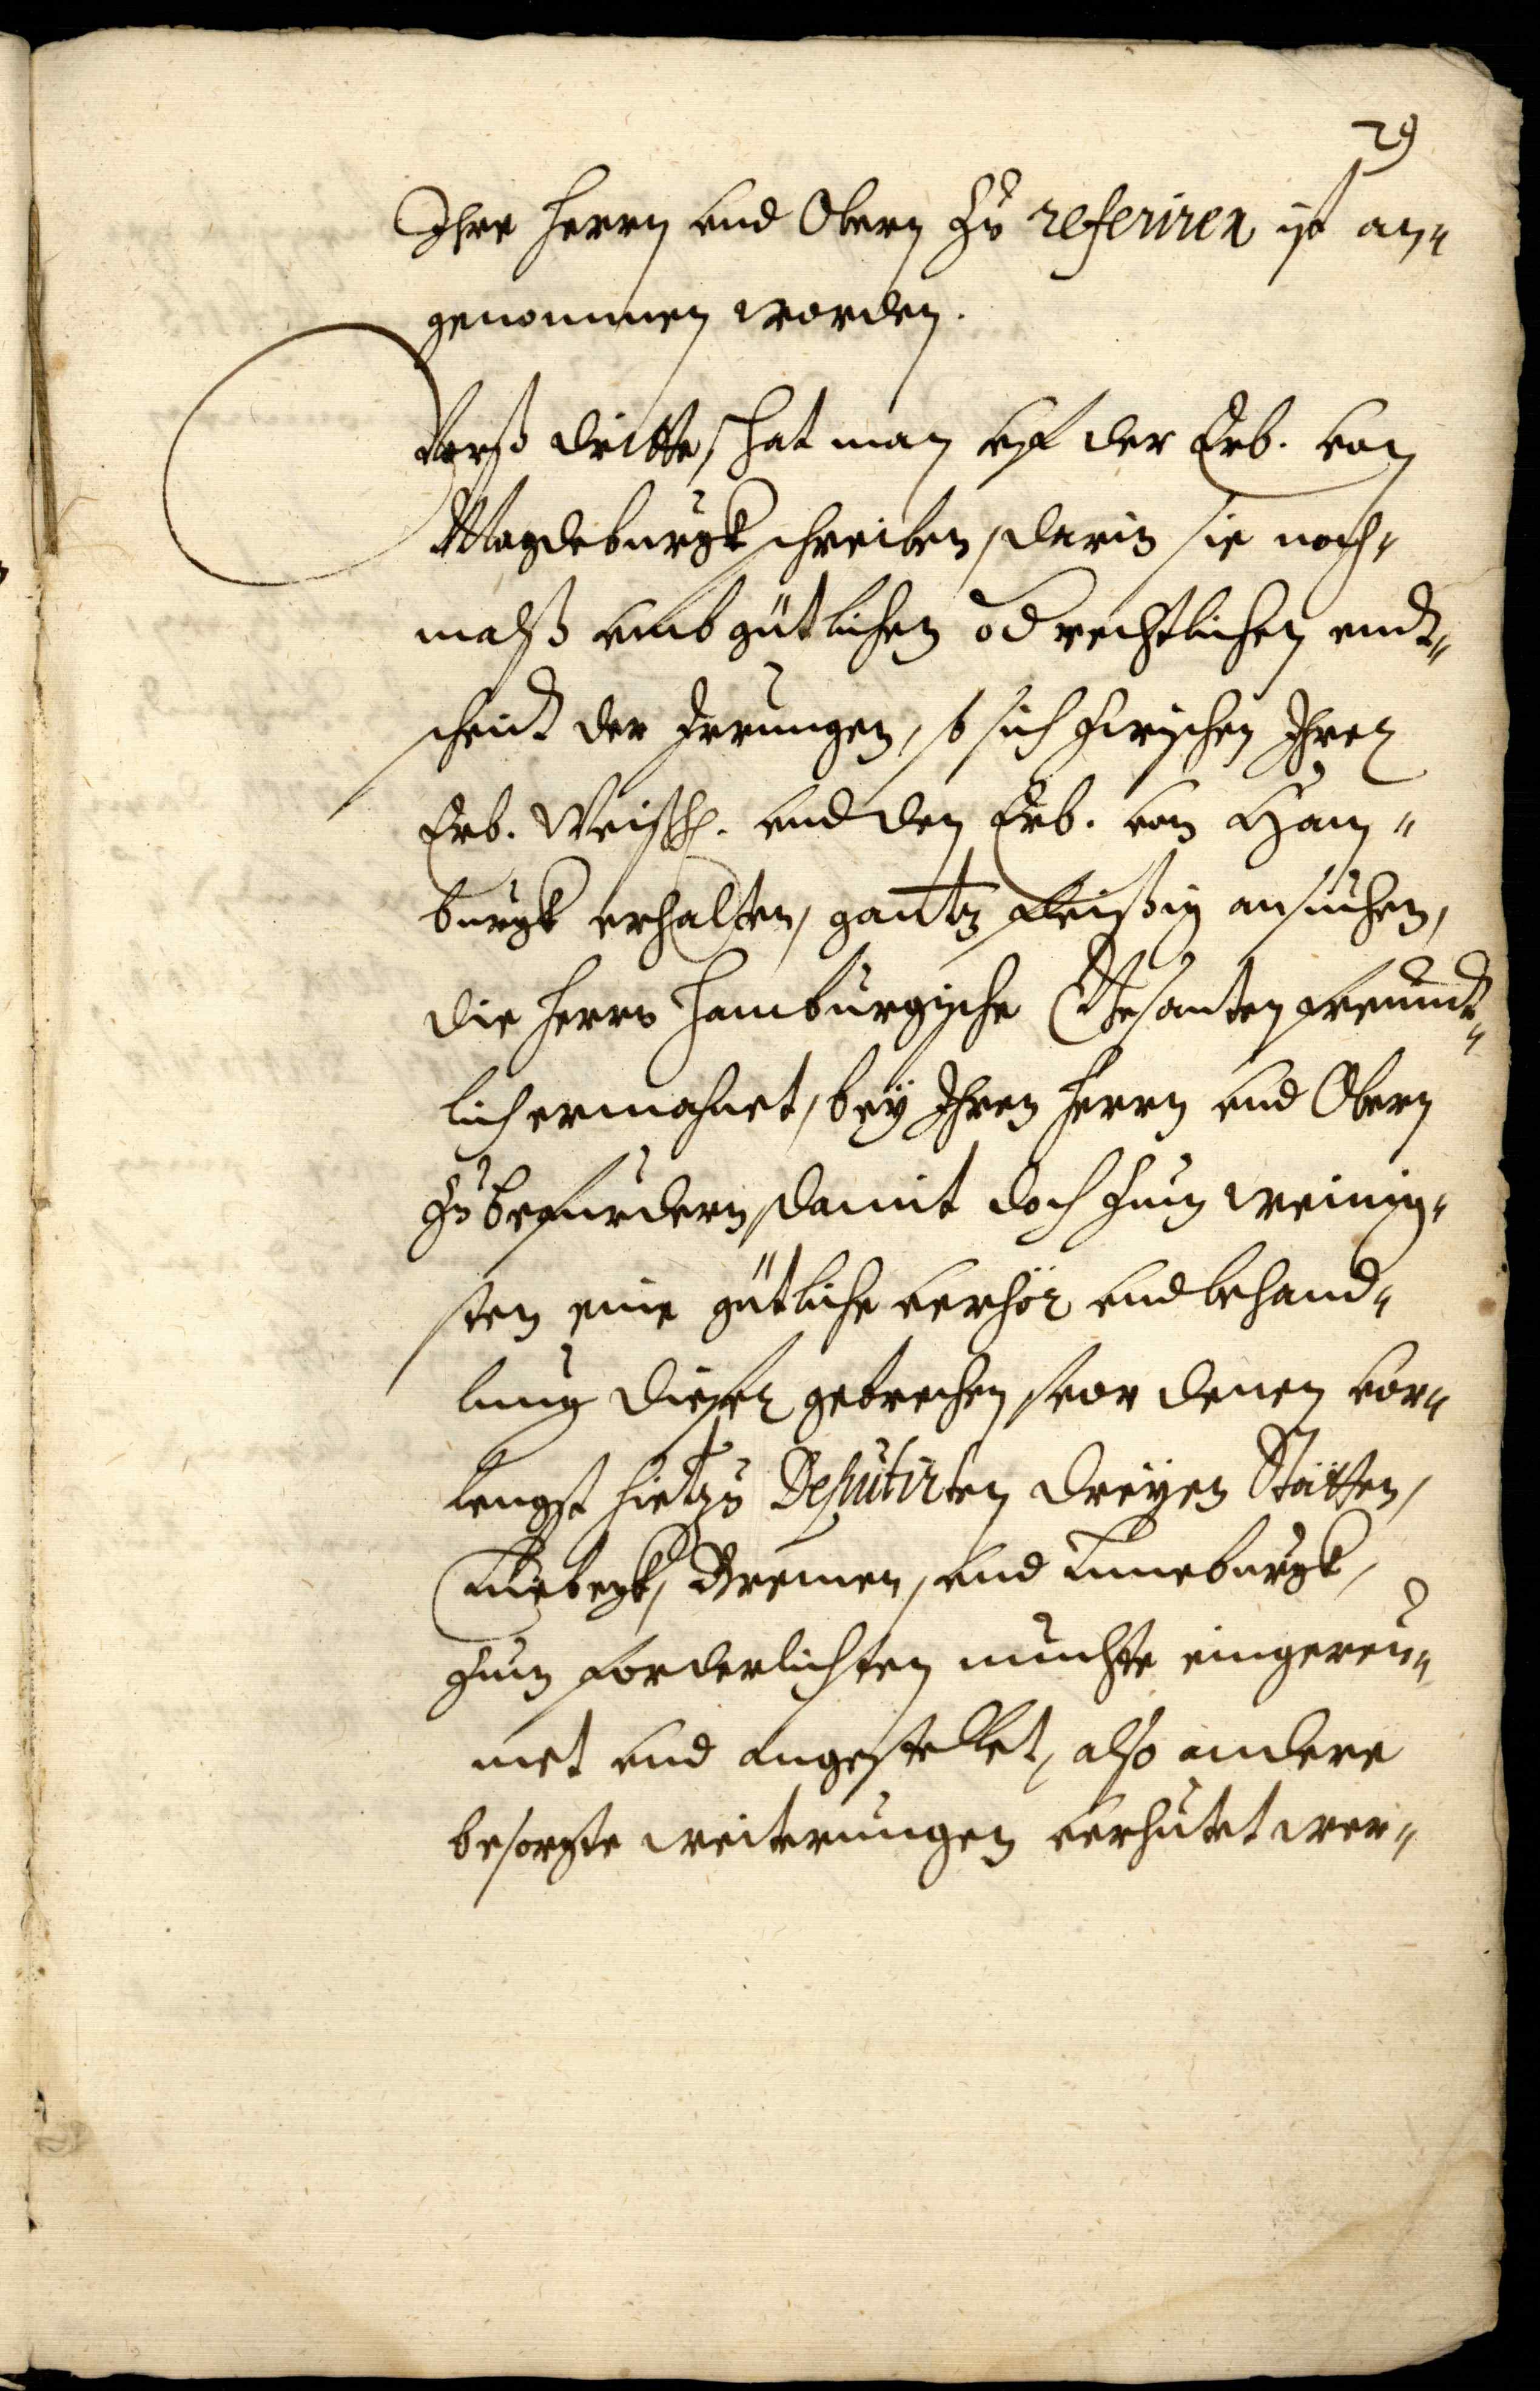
29
Ihre herrn vnd Obern zu referiren ist an¬
genommen worden.
Vorß dritte, hat man vf der Erb. von
Magdeburgk schreiben, darin sie noch¬
malß vmb gütlichen oder rechtlichen endt¬
scheidt der Irrungen, so sich zwischen Ihrer
Erb. Weißh: vnd den Erb: von Ham¬
burgk erhalten, gantz fleißig ansuchen,
die herrn Hamburgische Gesanten freundt¬
lich ermahnet, beij Ihren Herrn vnd Obern
zu befurdern, damit doch zum weinig¬
sten eine gütliche verhör vnd behand¬
lung dieser gebrechen, von denen vor¬¬
lengst hietzu Deputirten dreijen Stätten,
Luebegk, Bremen, vnd Luneburgk,
zum forderlichsten muchte eingereu¬
met vnd angestellet, also andere
besorgte weiterungen verhutet wer¬
